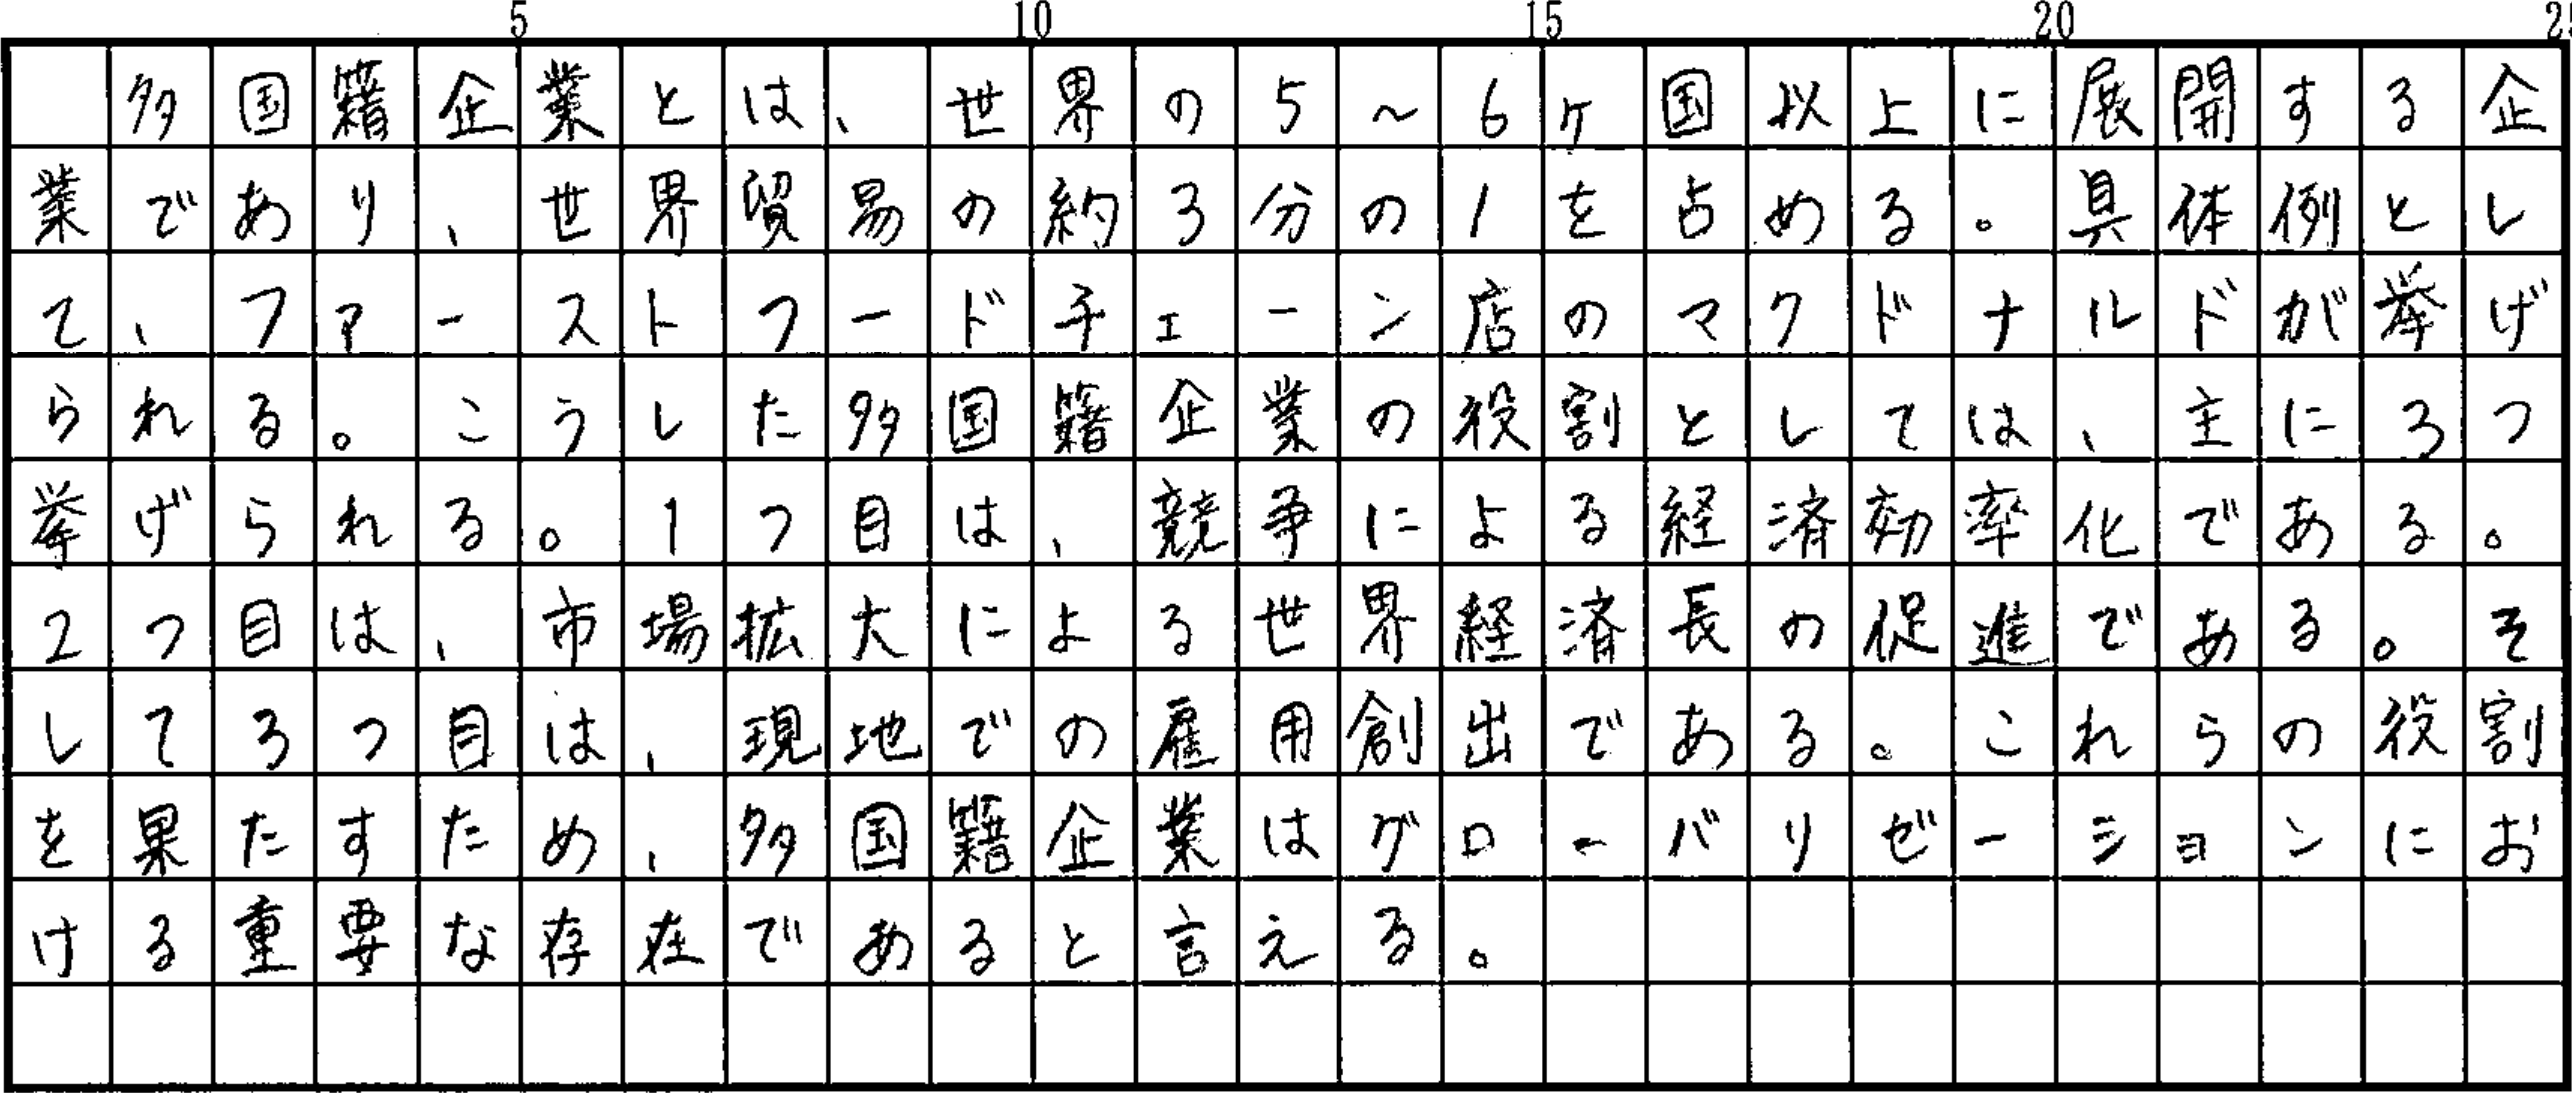　多国籍企業とは、世界の５～６カ国以上に展開する企業であり、世界貿易の３分の１を占める。具体例として、ファーストフードチェーン店のマクドナルドが挙げられる。こうした多国籍企業の役割としては、主に３つ挙げられる。１つ目は、競争による経済効率化である。２つ目は、市場拡大にによる世界経済長の促進である。そして３つ目は、現地での雇用創出である。これらの役割を果たすため、多国籍企業はグローバリゼーションにおける重要な存在であると言える。
